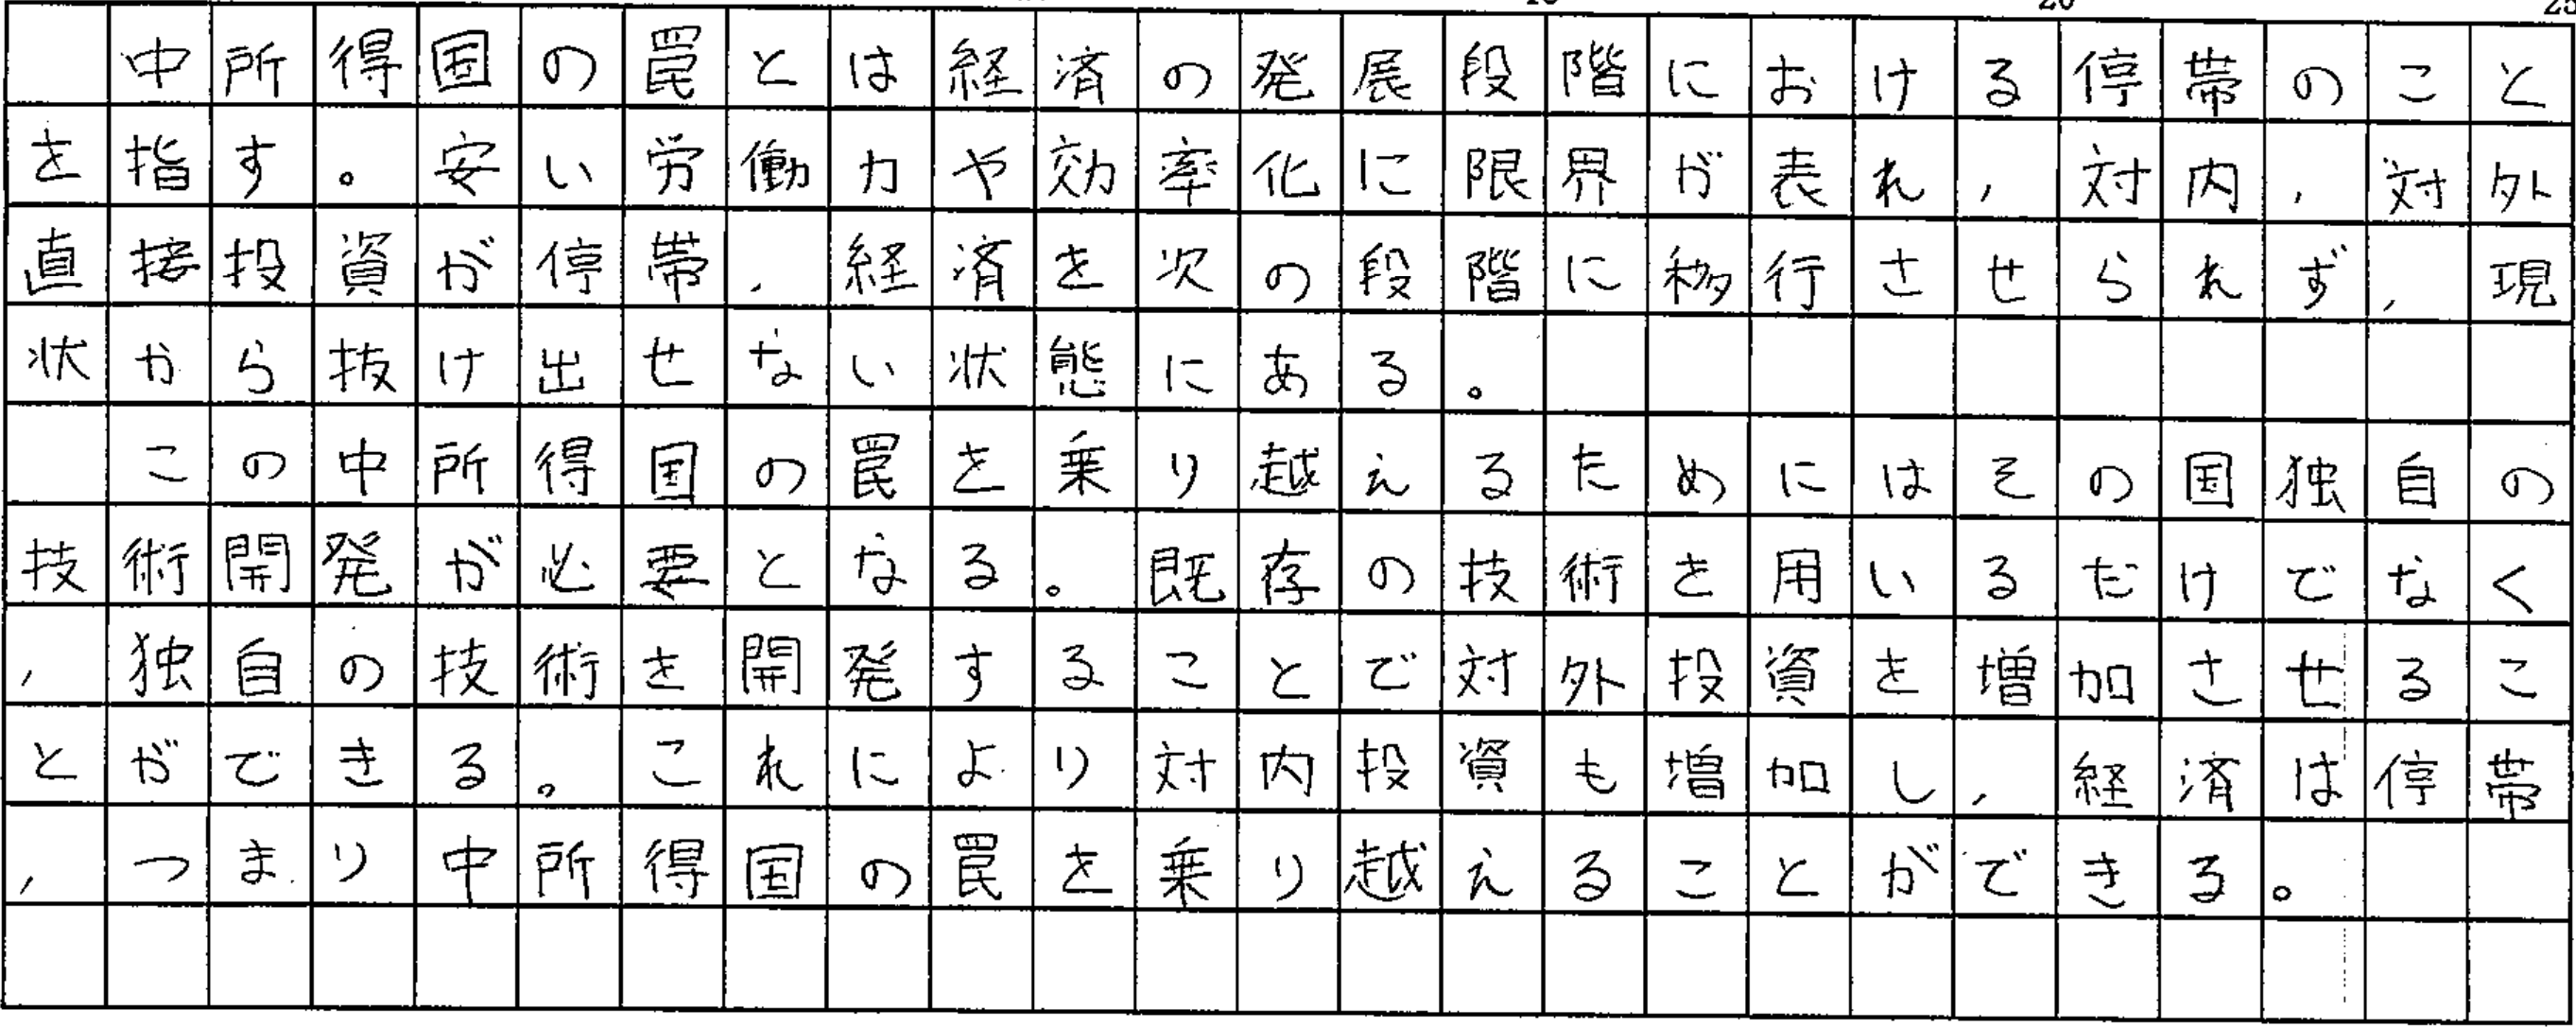　中所得国の罠とは経済の発展段階における停帯のことを指す。安い労働力や効率化に限界が表れ，対内，対外直接投資が停帯，経済を次の段階に移行させられず，現状から抜け出せない状態にある。
　この中所得国の罠を乗り越えるためにはその国独自の技術開発が必要となる。既存の技術を用いるだけでなく，独自の技術を開発することで対外投資を増加させることができる。これにより対内投資も増加し，経済は停帯，つまり中所得国の罠を乗り越えることができる。
